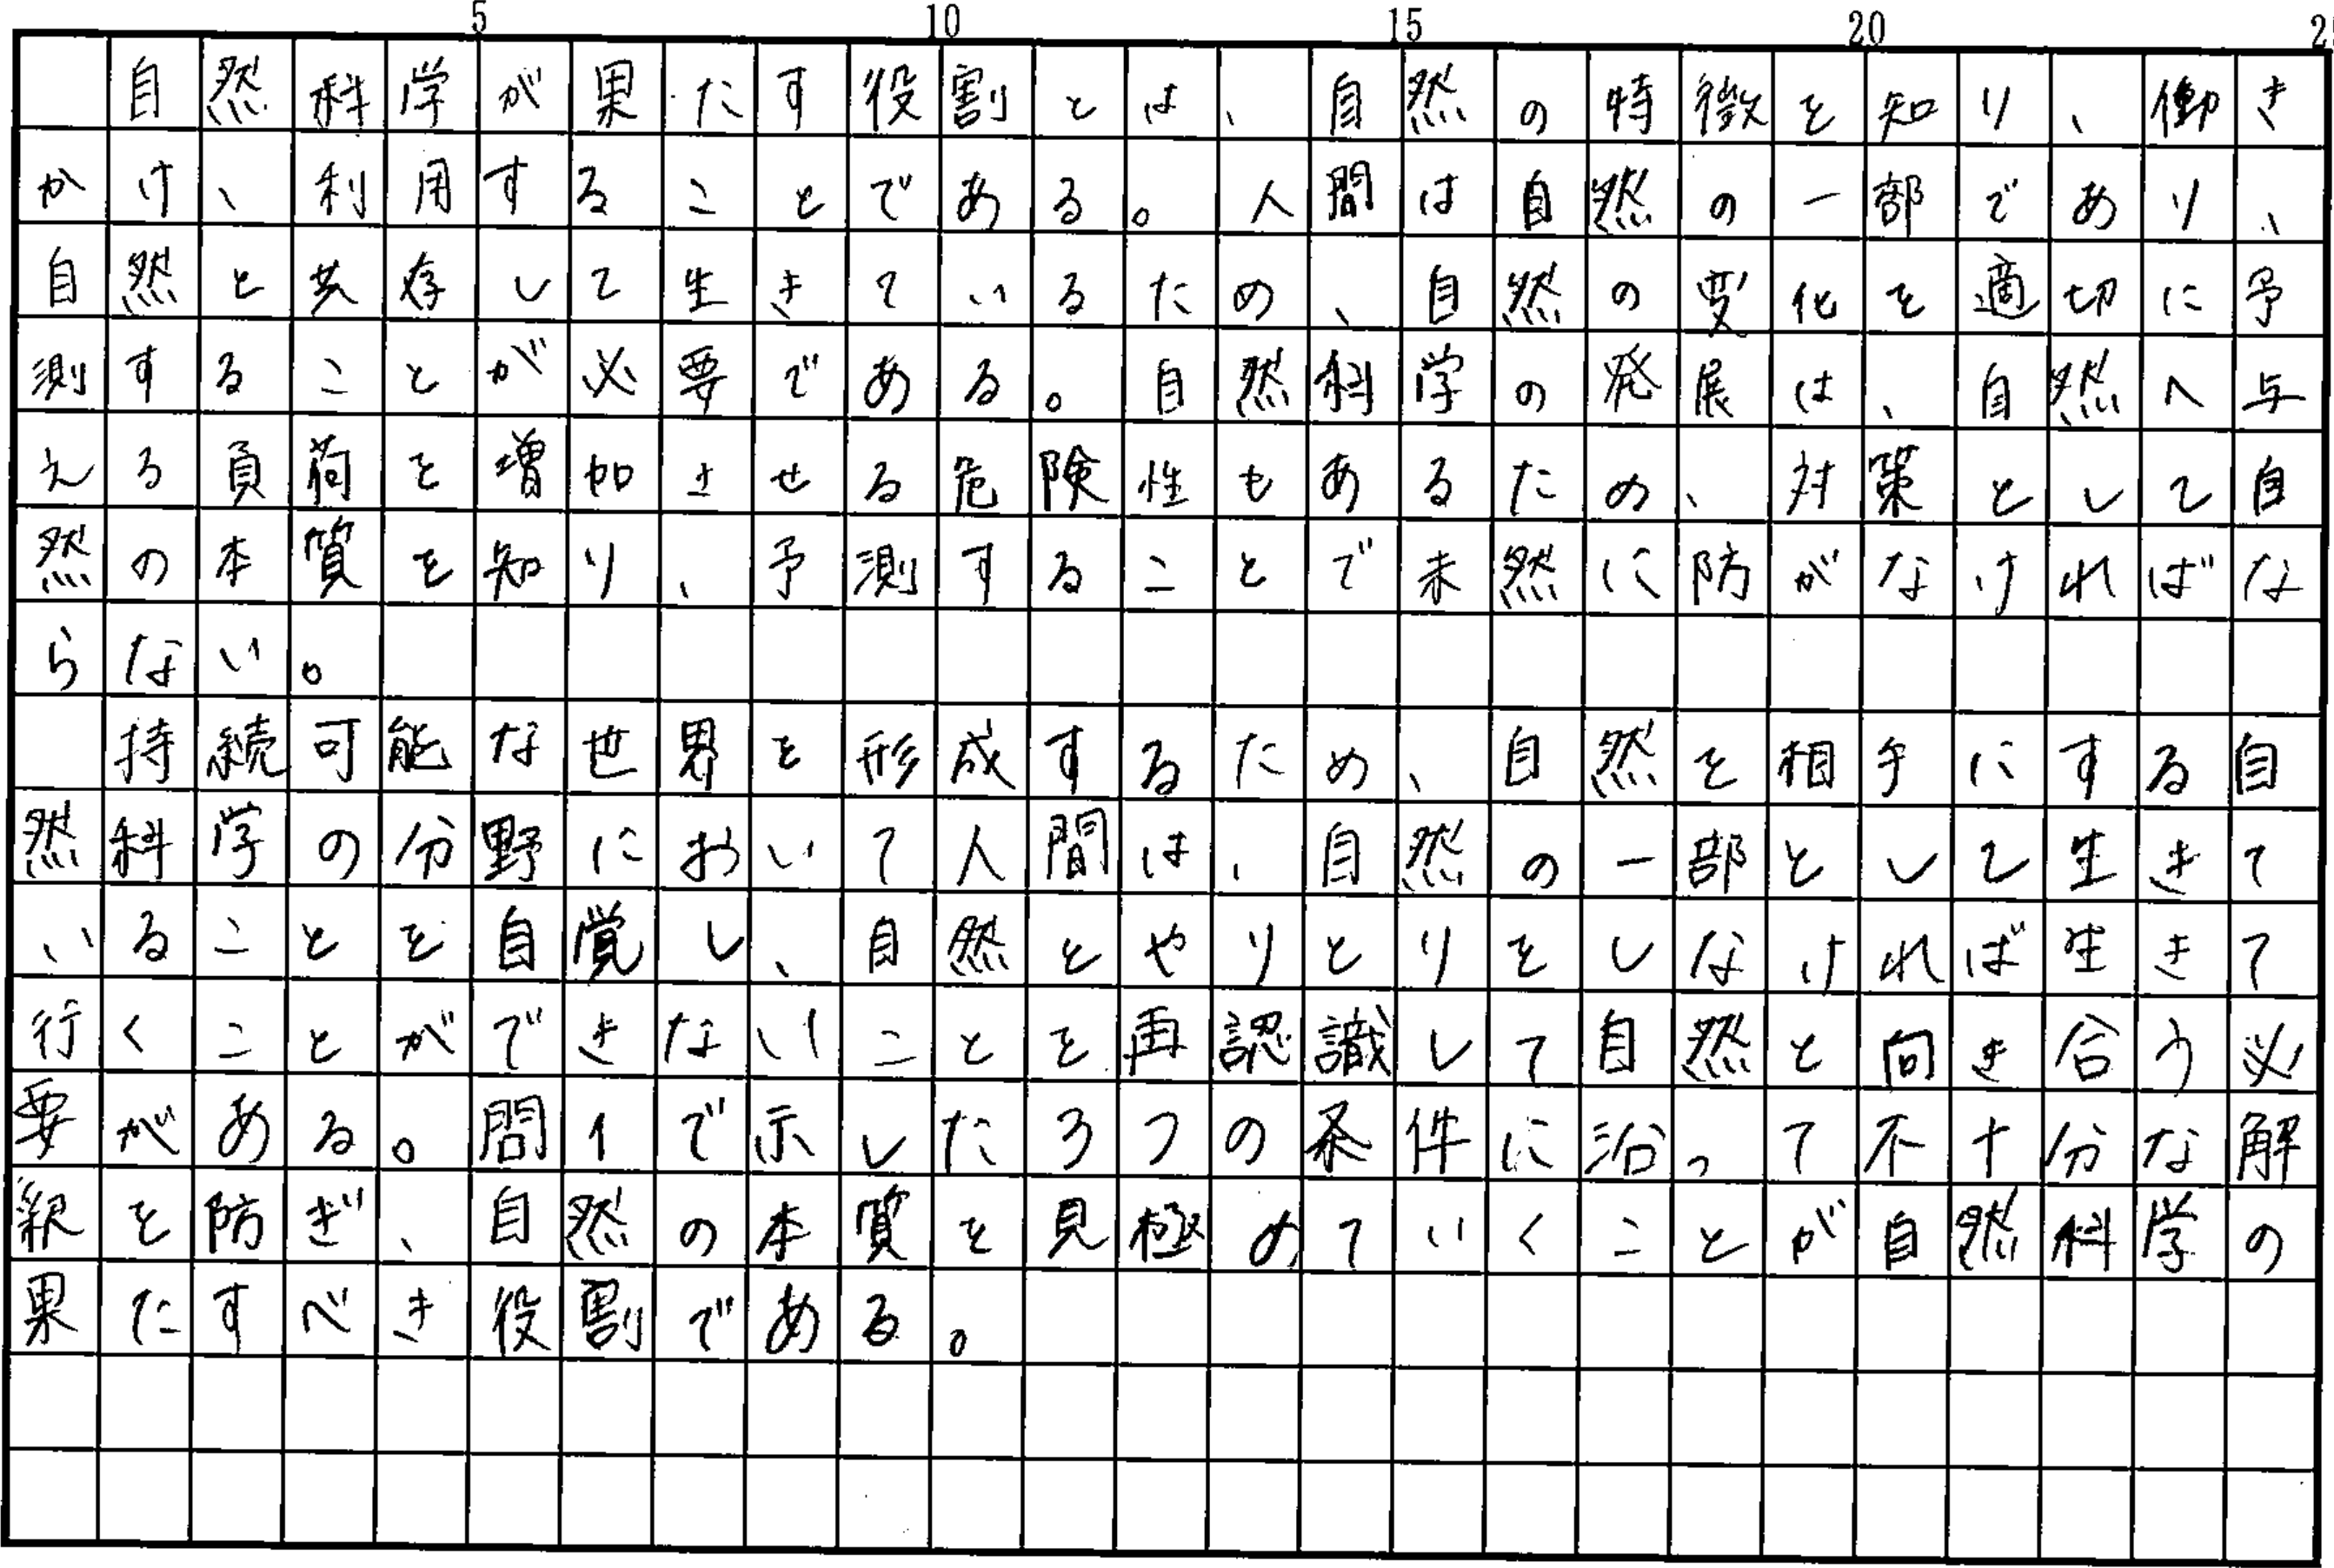　自然科学が果たす役割とは、自然の特徴を知り、働きかけ、利用することである。人間は自然の一部であり、自然と共存して生きているため、自然の変化を適切に予測することが必要である。自然科学の発展は、自然へ与える負荷を増加させる危険性もあるため、対策として自然の本質を知り、予測することで未然に防がなければならない。
　持続可能な世界を形成するため、自然を相手にする自然科学の分野において人間は、自然の一部として生きていることを自覚し、自然とやりとりをしなければ生きて行くことができないことを再認識して自然と向き合う必要がある。問１で示した３つの条件に沿って不十分な解釈を防ぎ、自然の本質を見極めていくことが自然科学の果たすべき役割である。
